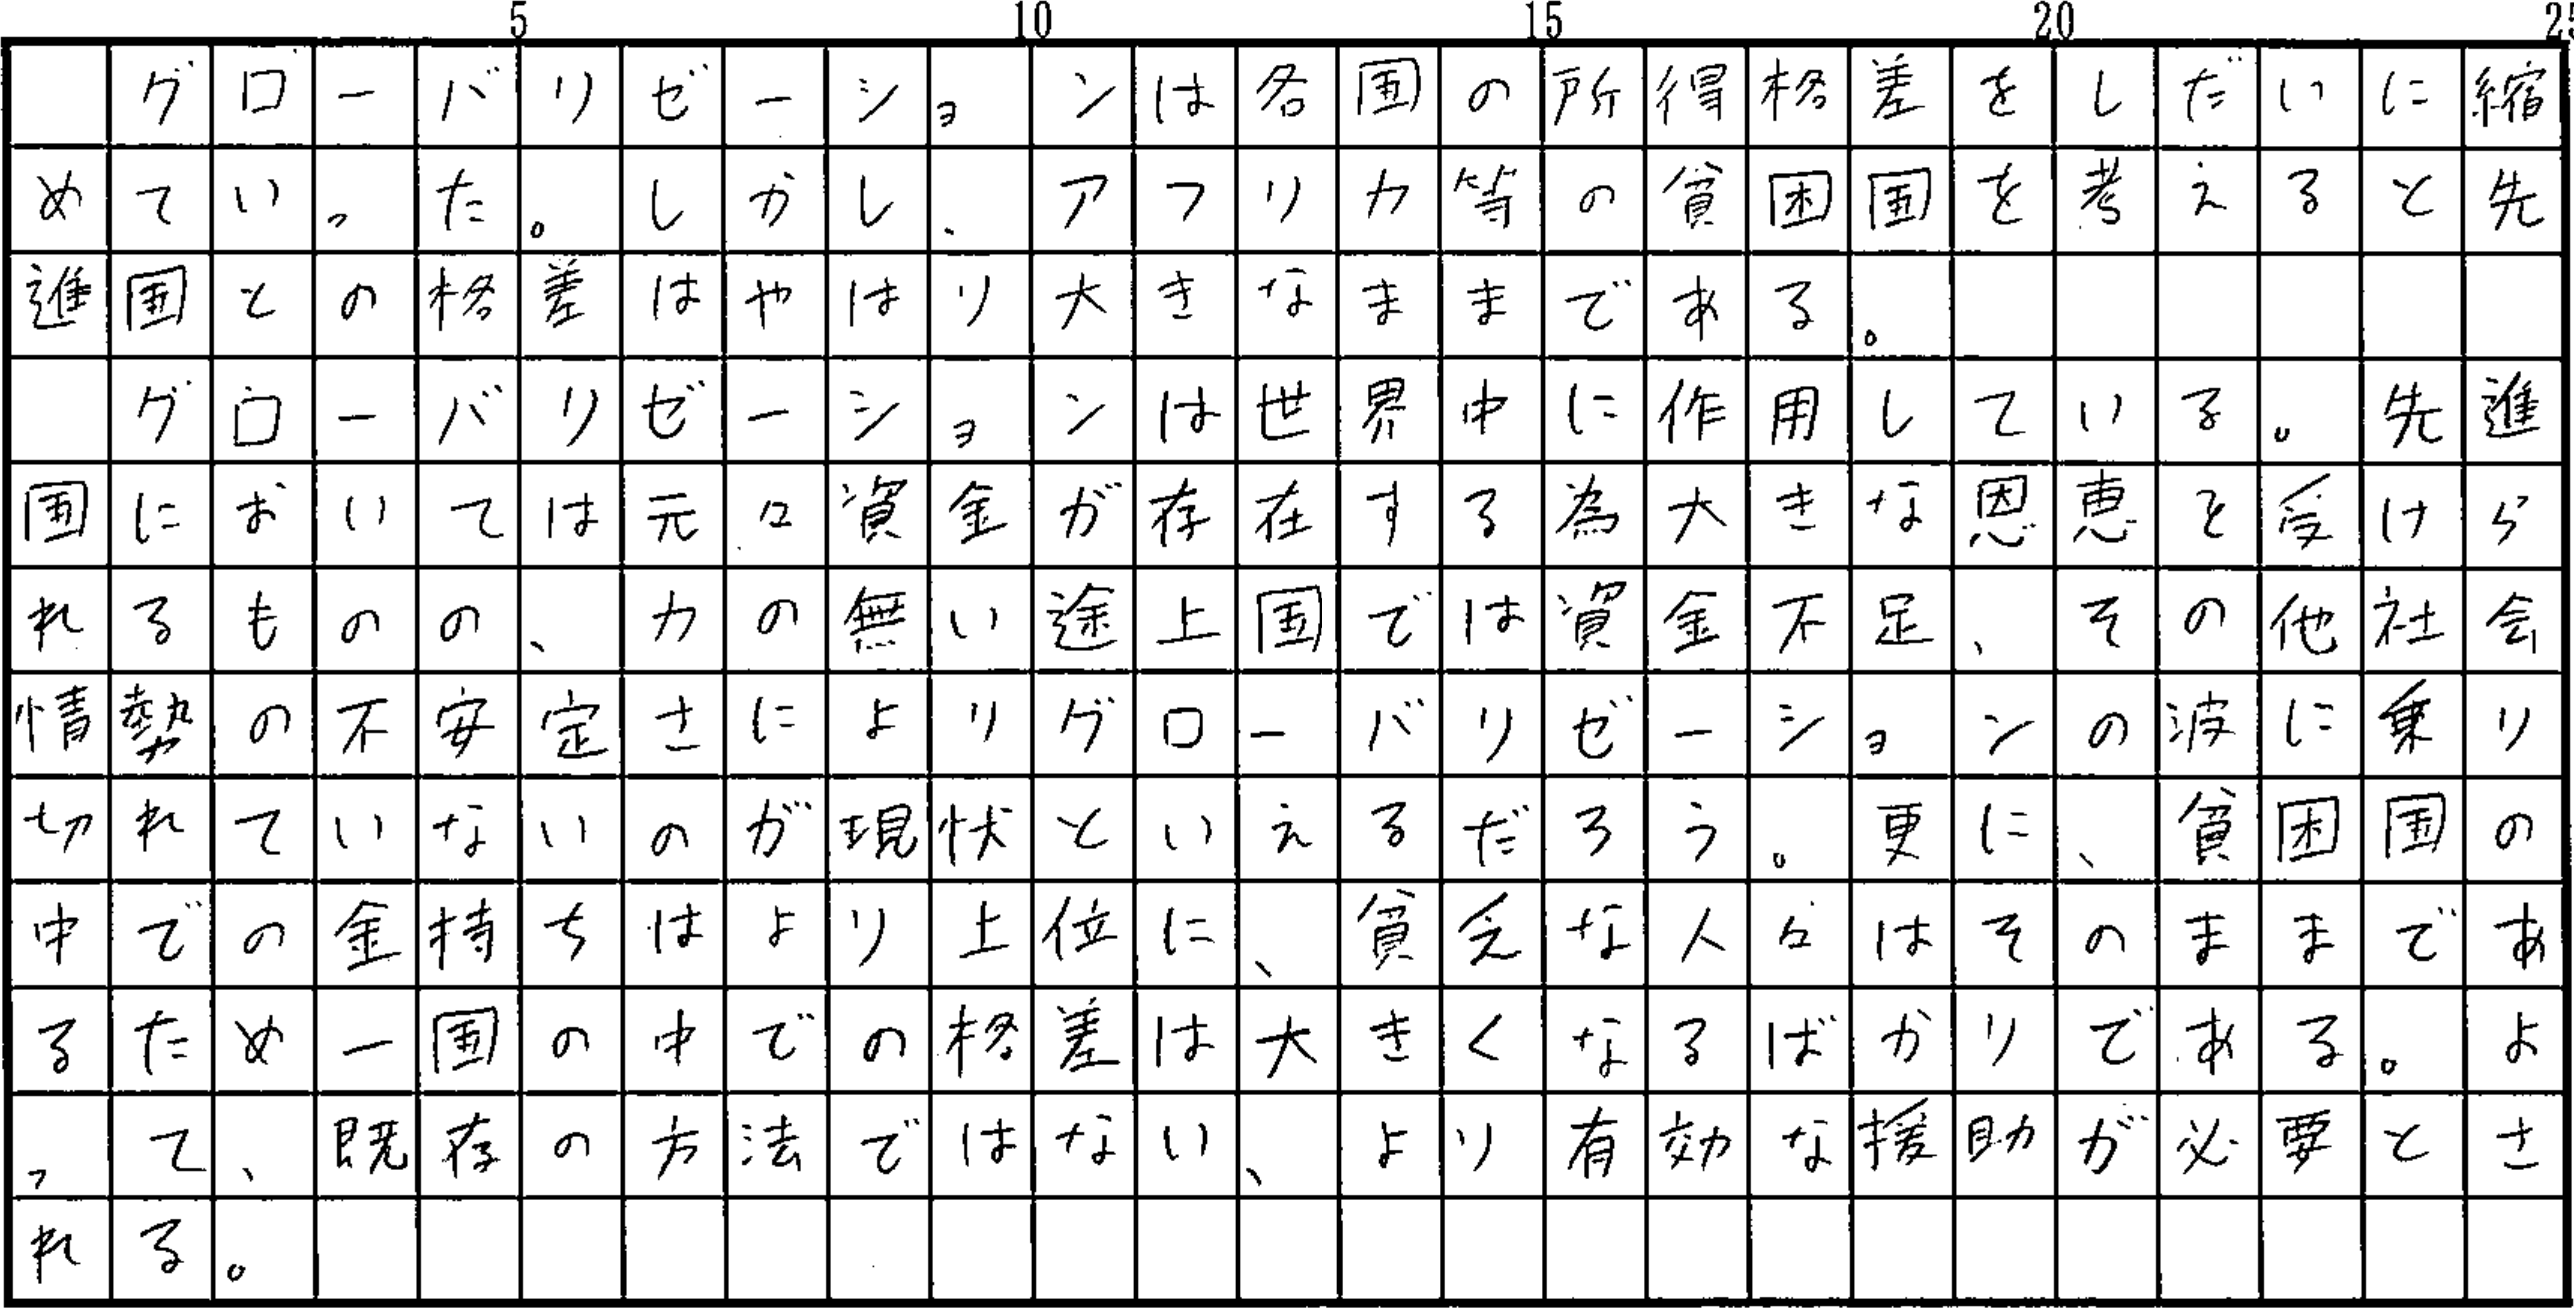　グローバリゼーションは各国の所得格差をしだいに縮めていった。しかし、アフリカ等の貧困国を考えると先進国との格差はやはり大きなままである。
　グローバリゼーションは世界中に作用している。先進国においては元々資金が存在する為大きな恩恵を受けられるものの、力の無い途上国では資金不足、その他社会情勢の不安定さによりグローバリゼーションの波に乗り切れていないのが現状といえるだろう。更に、貧困国の中での金持ちはより上位に、貧乏な人々はそのままであるため一国の中での格差は大きくなるばかりである。よって、既存の方法ではない、より有効な援助が必要とされる。
